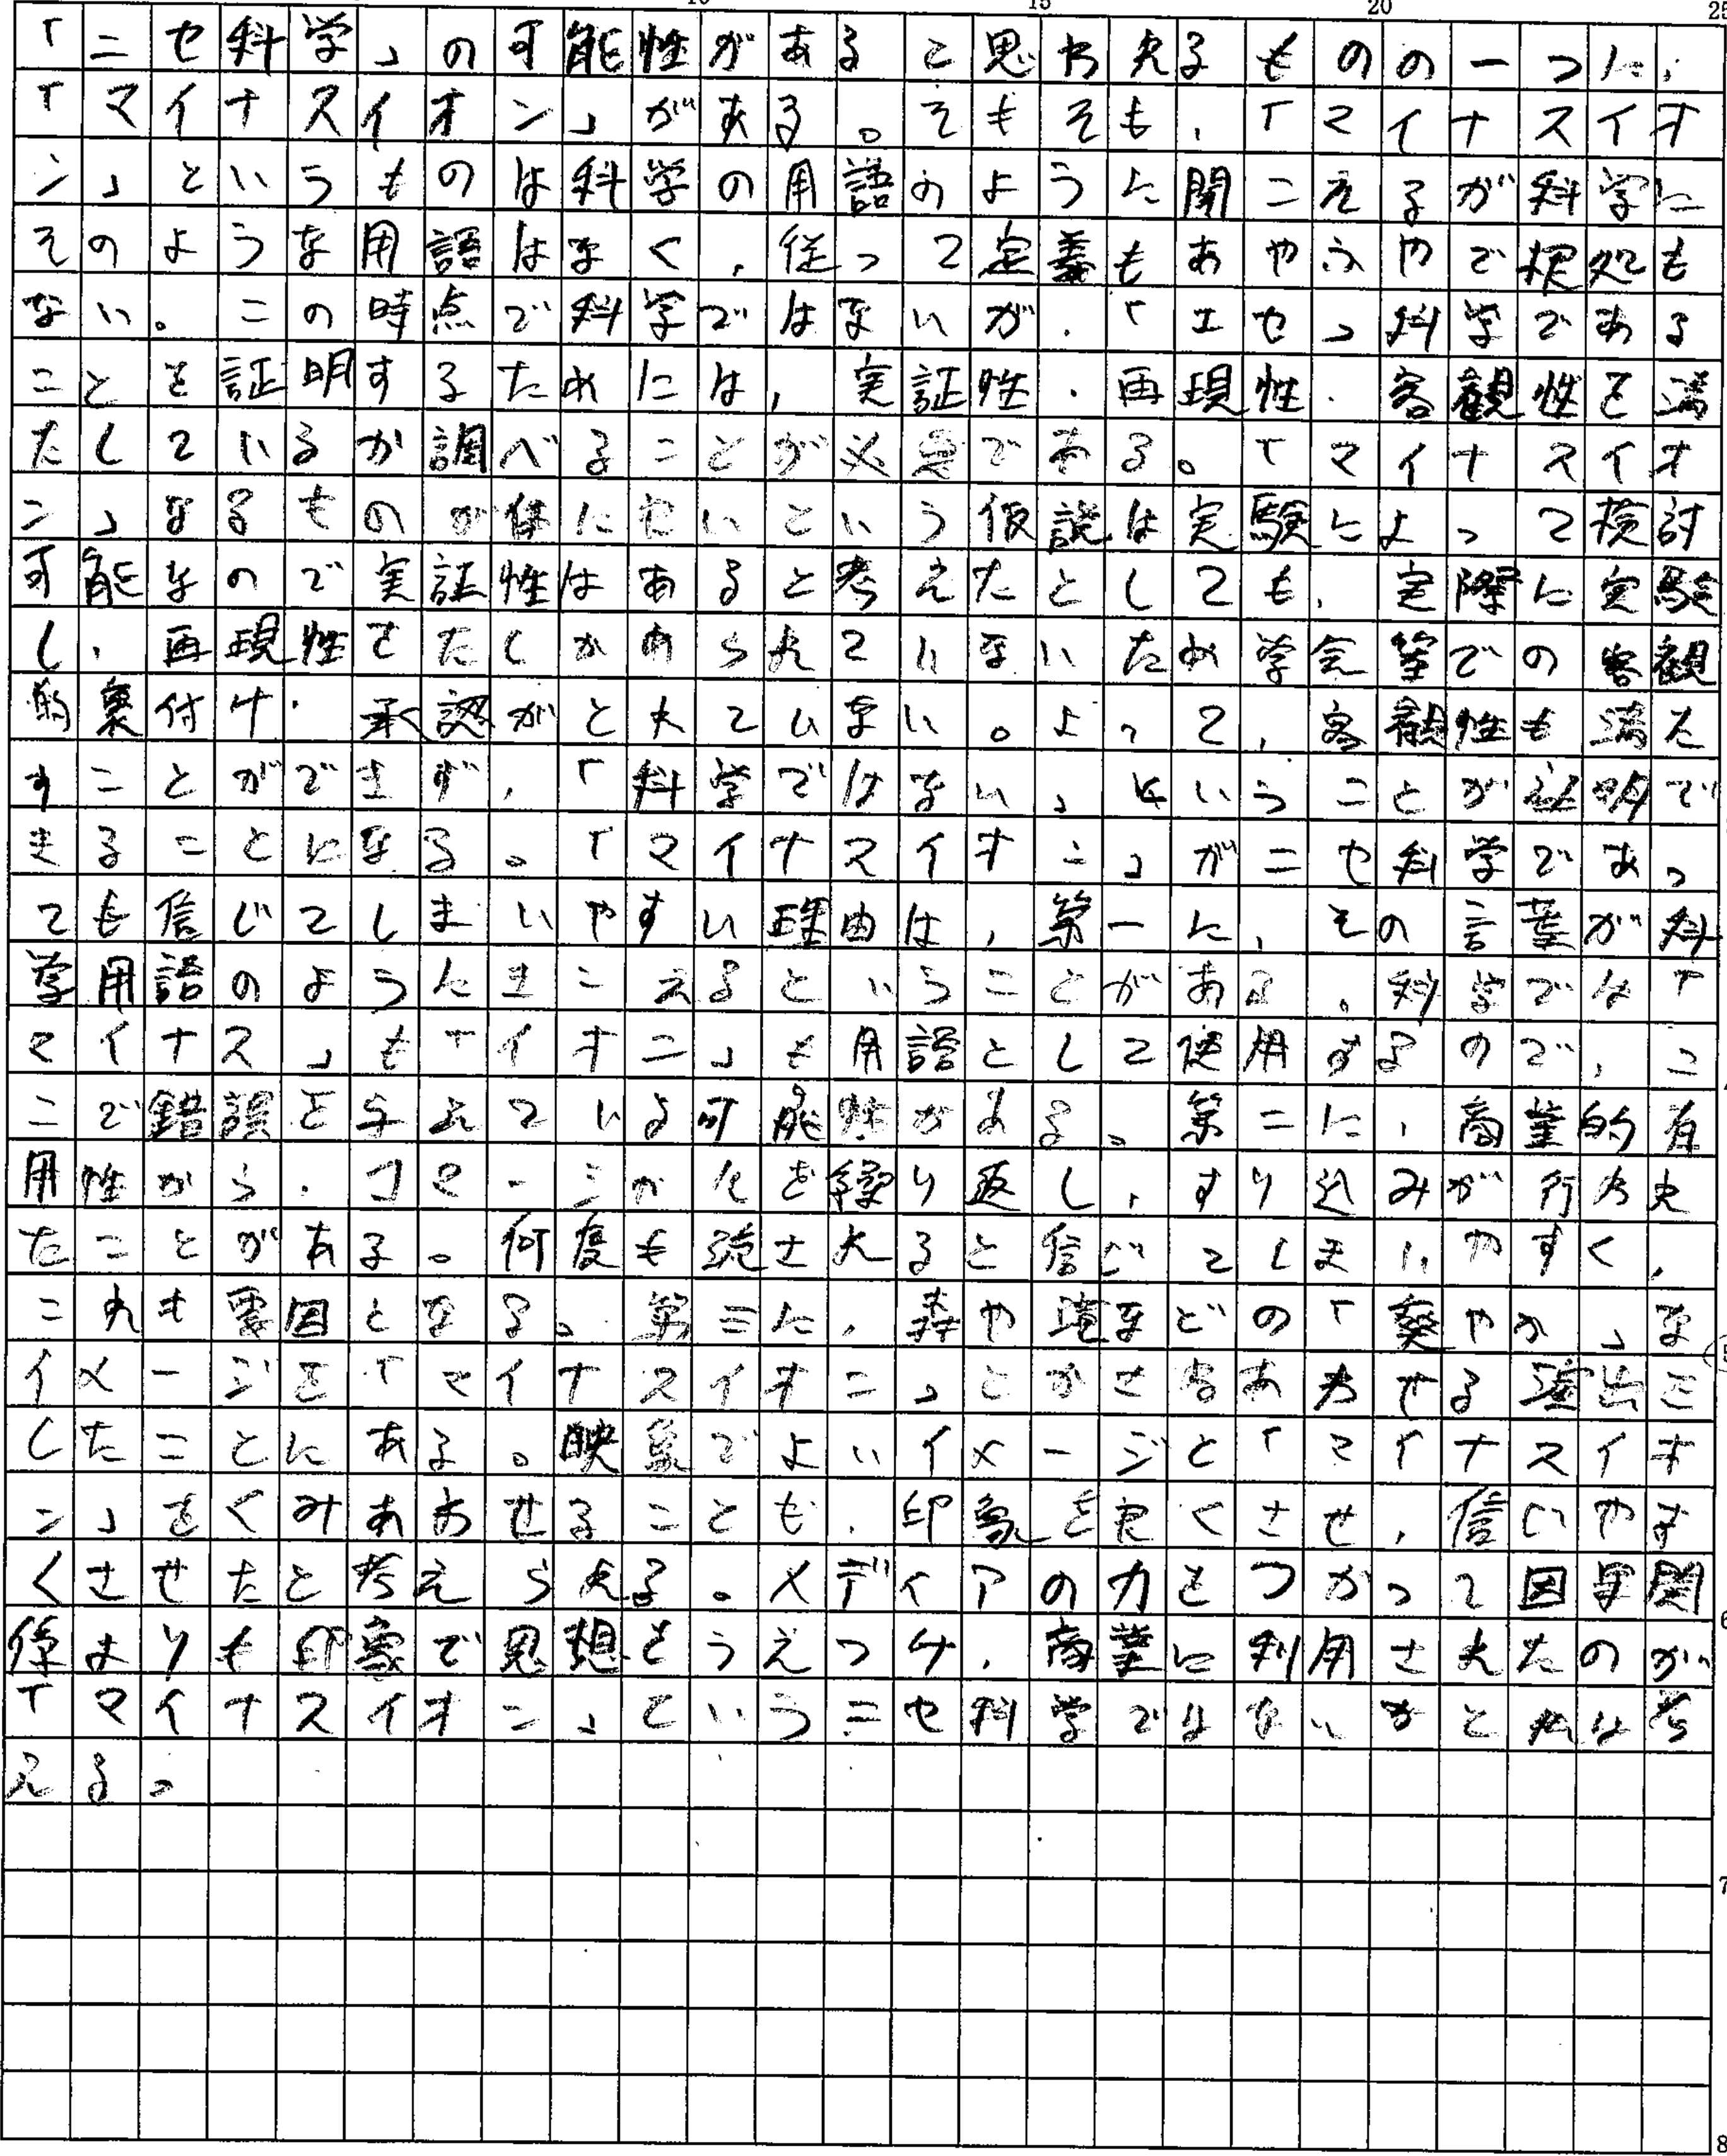「ニセ科学」の可能性があると思われるものの一つに、「マイナスイオン」がある。そもそも、「マイナスイオン」というものは科学の用語のように聞こえるが科学にそのような用語はなく、従って定義もあやふやで根処もない。この時点で科学ではないが、「エセ」科学であることを証明するためには、実証性・再現性・客観性を満たしているか調べることが必要である。「マイナスイオン」なるものが体に良いという仮説は実験によって検討可能なので実証性はあると考えたとしても、実際に実験し、再現性をたしかめられていないため学会等での客観的裏付け・承認がとれていない。よって、客観性も満たすことができず、「科学ではない」ということが証明できることになる。「マイナスイオン」がニセ科学であっても信じてしまいやすい理由は、第一に、その言葉が科学用語のようにきこえるということがある。科学では「マイナス」も「イオン」も用語として使用するので、ここで錯誤を与えている可能性がある。第二に、商業的有用性から、コマーシャルを繰り返し、すり込みが行われたことがある。何度も流されると信じてしまいやすく、これも要因となる。第三に、森や滝などの「▁やか」なイメージを「マイナスイオン」とかさねあわせる演出をしたことにある。映象でよいイメージと「マイナスイオン」をくみあわせることも、印象を良くさせ、信じやすくさせたと考えられる。メディアの力をつかって因果関係よりも印象で思想をうえつけ、商業に利用されたのが「マイナスイオン」というニセ科学ではないかと私は考える。
